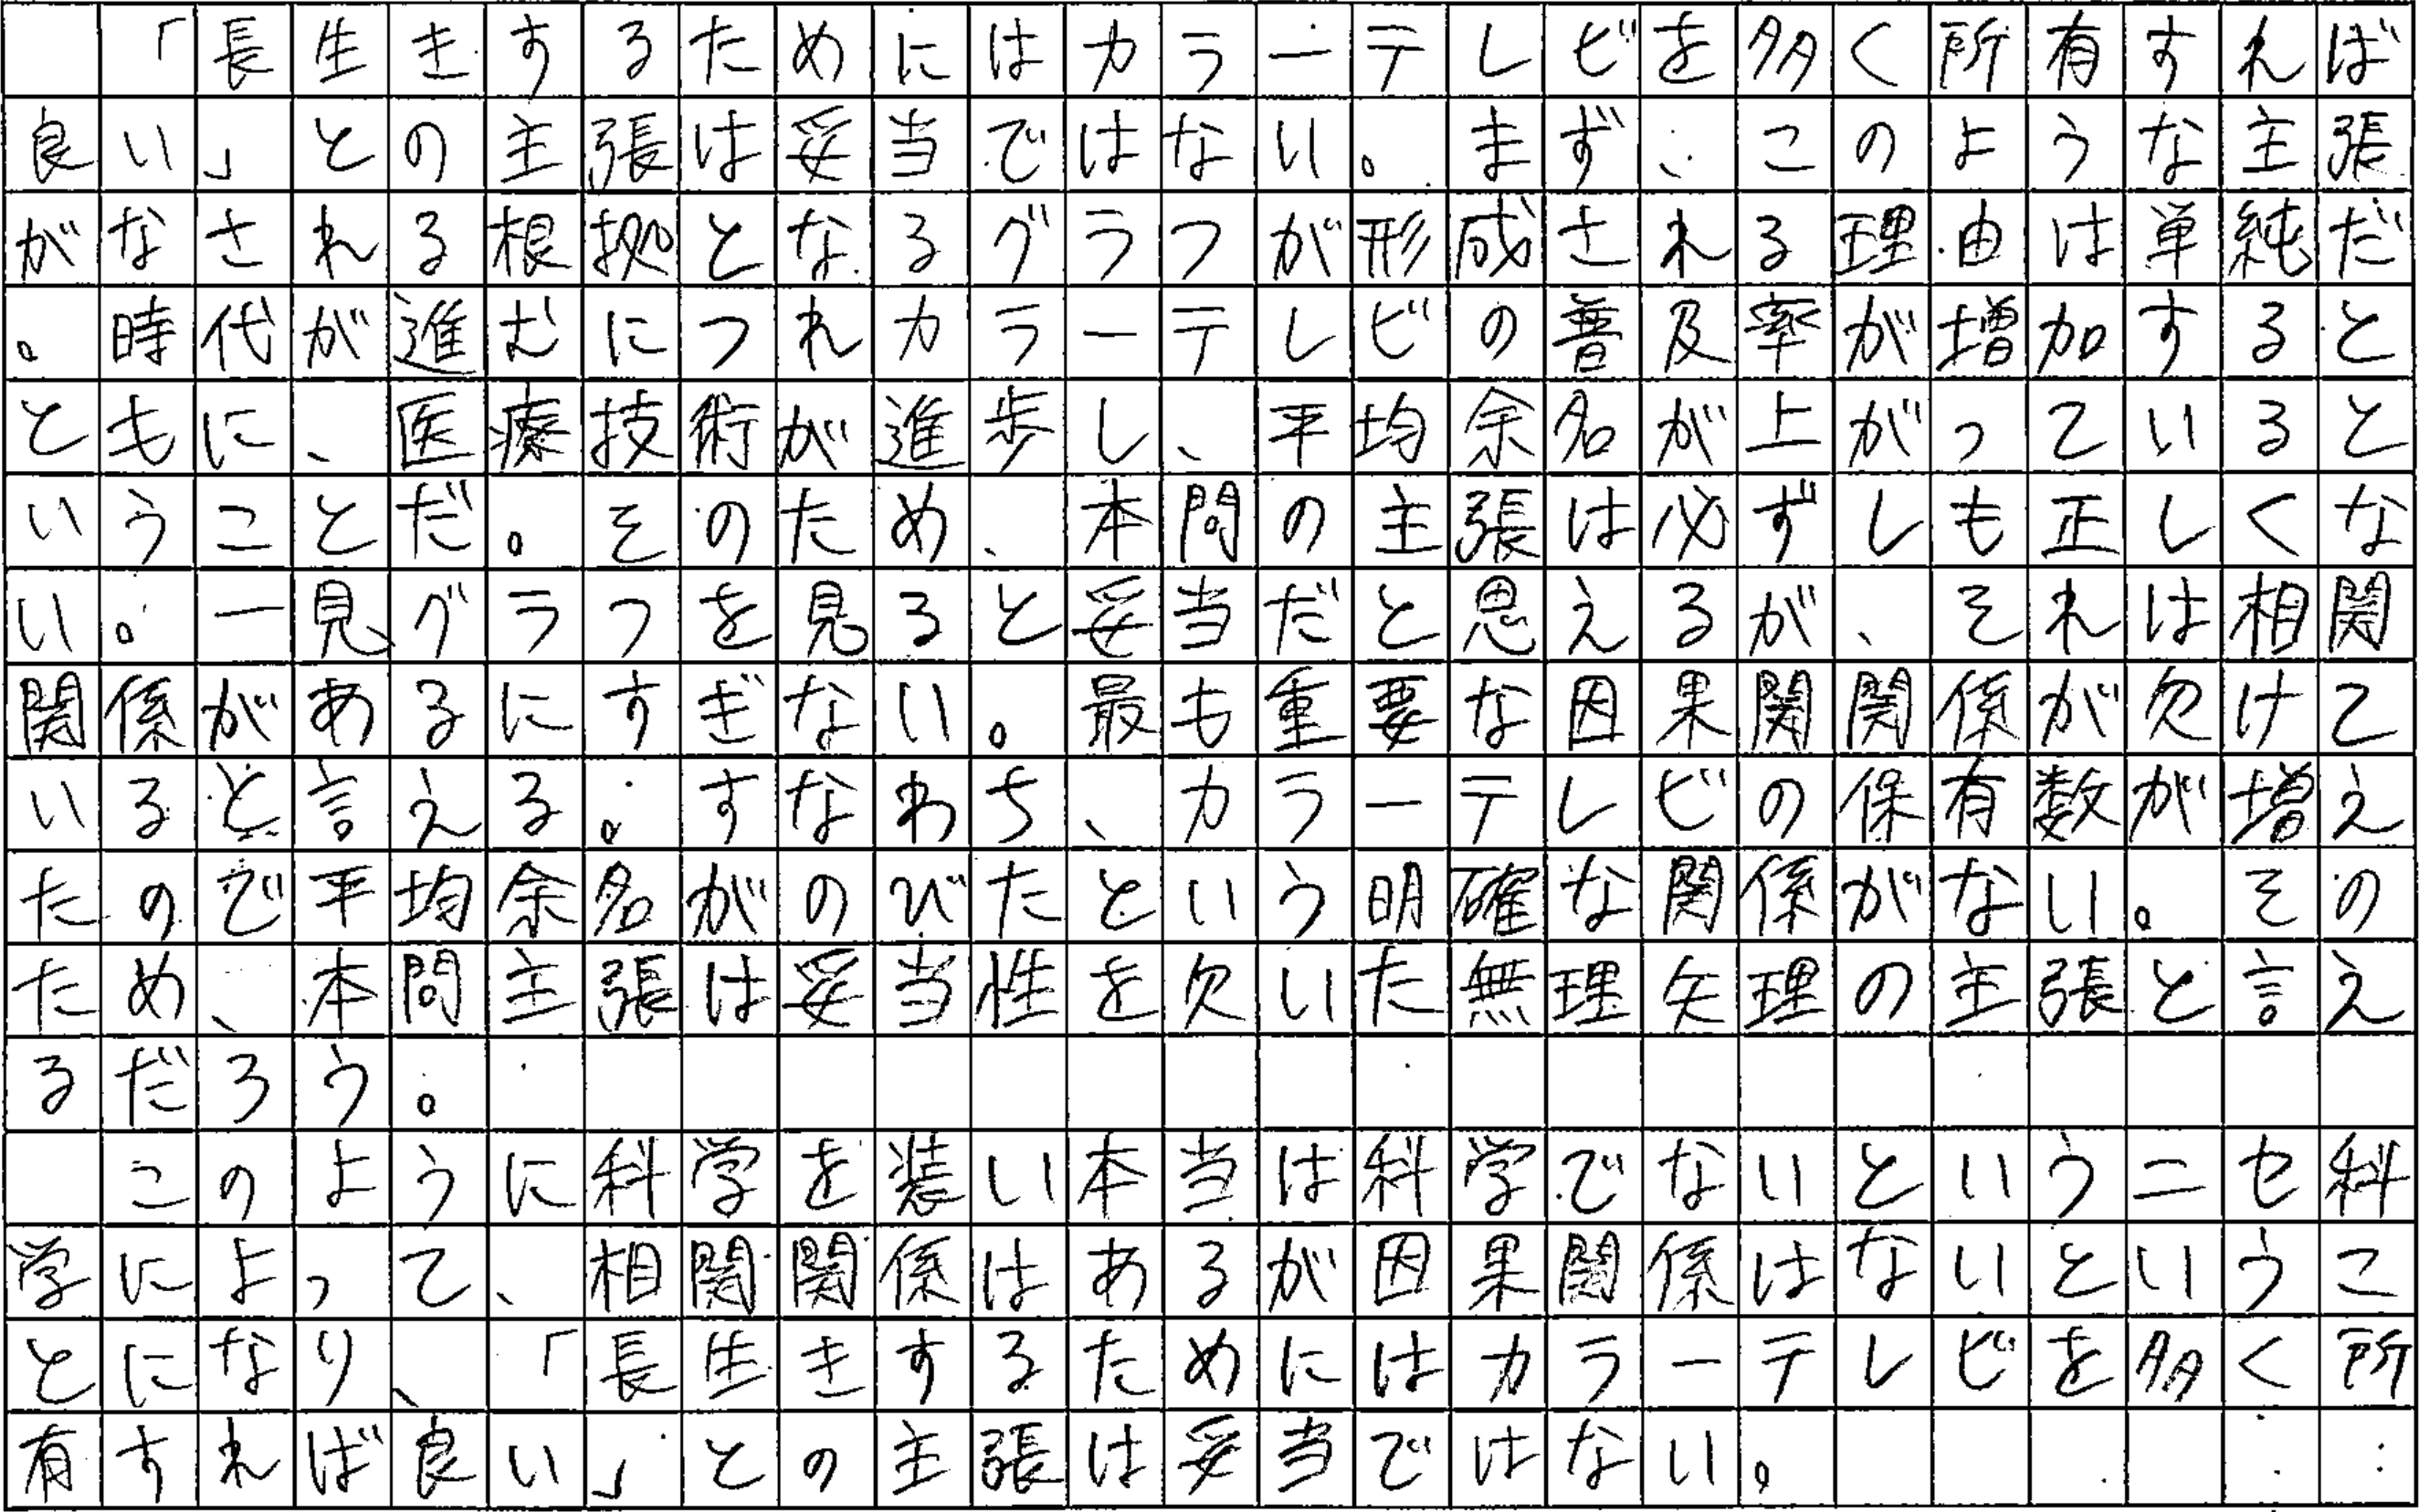　「長生きするためにはカラーテレビを多く所有すれば良い」との主張は妥当ではない。まず、このような主張がなされる根拠となるグラフが形成される理由は単純だ。時代が進むにつれカラーテレビの普及率が増加するとともに、医療技術が進歩し、平均余名が上がっているということだ。そのため、本問の主張は必ずしも正しくない。一見グラフを見ると妥当だと思えるが、それは相関関係があるにすぎない。最も重要な因果関関係が欠けていると言える。すなわち、カラーテレビの保有数が増えたので平均余名がのびたという明確な関係がない。そのため、本問主張は妥当性を欠いた無理矢理の主張と言えるだろう。
　このように科学を装い本当は科学でないというニセ科学によって、相関関係はあるが因果関係はないということになり、「長生きするためにはカラーテレビを多く所有すれば良い」との主張は妥当ではない。
